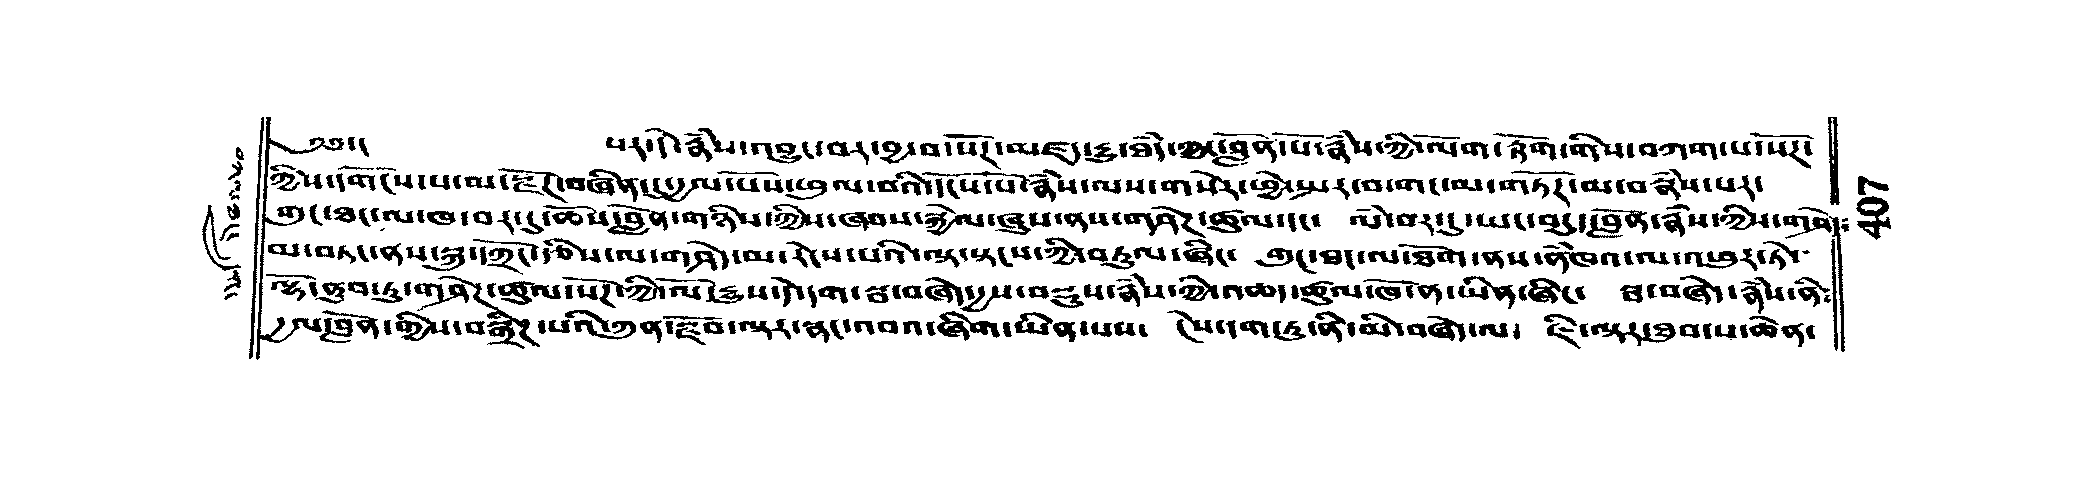པར་དེ་རྣམས་འབྱུང་བར་བྱ་བ་སོགས་མཛད་རྒྱུ་ཐམས་ཅད་ཀྱང་བློན་པོ་རྣམས་ཀྱི་ལོག་རྟོག་གིས་བཀག་པ་སོགས་
ཀྱིས་དགོངས་པ་མ་རྫོགས་བཞིན་དུ་རྒྱལ་པོས་ཕུལ་བའི་དངོས་པོ་རྣམས་ལས་གསེར་ཕྱེ་སྤར་བ་གང་མ་གཏོགས་མ་བསྣམས་པར།
གུང་ཐང་ལ་ཁ་བར་དུ་ཆོས་བློན་གཉིས་ཀྱིས་ཞབས་སྐྱེལ་ཞུས་ནས་གཤེགས་ཚུལ་དང་། ལམ་བར་དུ་ཡང་བདུད་བློན་རྣམས་ཀྱིས་གཤེད་
མ་བཏང་ནས་སྐུ་དཀྲོངས་རྩིས་ལ་གཤེད་མ་རེངས་པའི་ལྟ་སྟངས་ཀྱི་བཏུལ་ཞིང་། གུང་ཐང་ལ་ཐོག་ནས་ནམ་མཁའ་ལ་འཕུར་ཏེ་
ལྷོ་ནུབ་ཏུ་གཤེགས་ཚུལ་སོགས་ཀྱི་ལོ་རྒྱུས་དེ་དག་སྦ་བཞེད་རྒྱས་བསྡུས་རྣམས་ཀྱི་འཆད་ཚུལ་ཁོ་ན་ཡིན་ཞིང་། སྦ་བཞེད་རྣམས་ནི་
རྒྱལ་བློན་གྱིས་བསྒྲིགས་པའི་ཀུན་རྫོབ་ལྟར་སྣང་འབའ་ཞིག་ཡིན་པས། ངེས་དག་ཏུ་ནི་མི་བཞེད་ལ། ཇི་ལྟར་ཐུབ་པ་ཆེན་